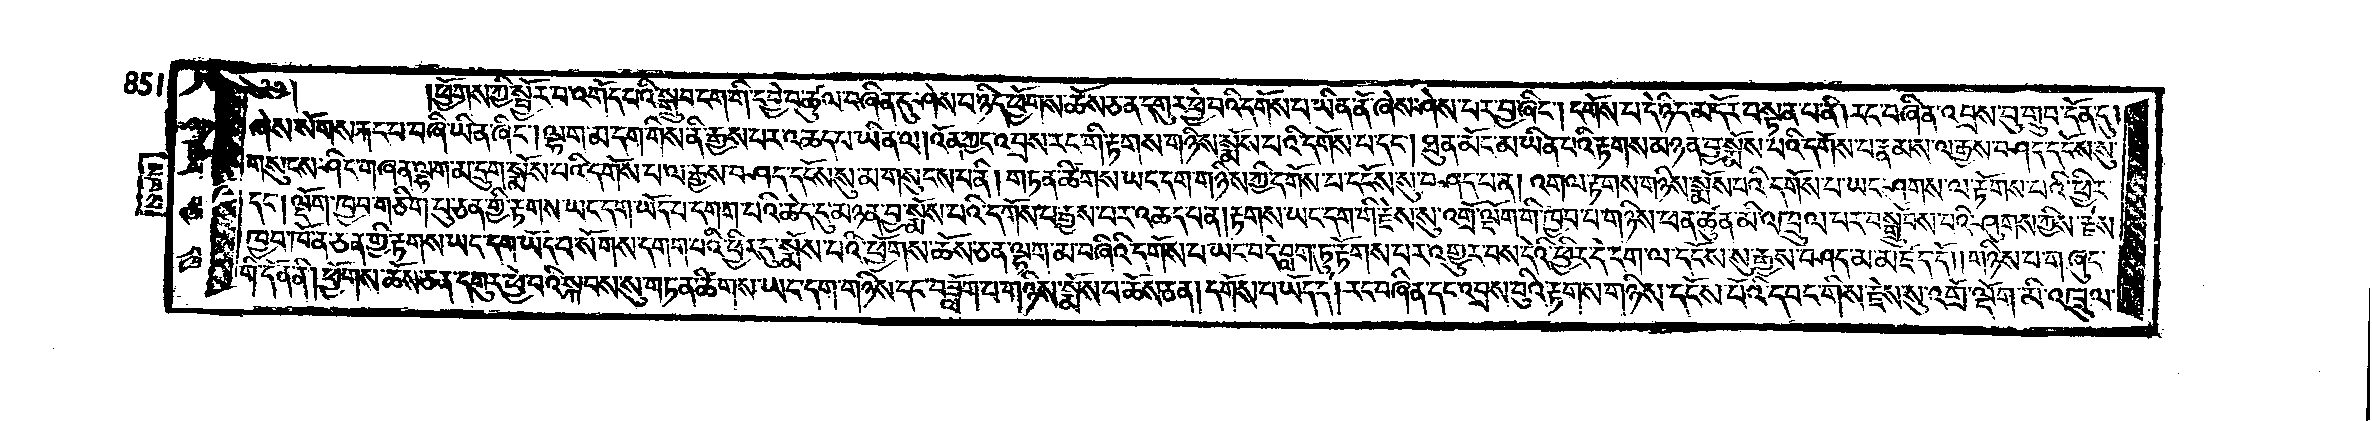༄༅། །ཕྱོགས་ཀྱི་སྦྱོར་བ་འགོད་པའི་སྒྲུབ་ངག་གི་དབྱེ་བ་ཚུལ་བཞིན་དུ་ཤེས་པ་ཉིད་ཕྱོགས་ཆོས་ཅན་དགུར་ཕྱེ་བའི་དགོས་པ་ཡིན་ནོ་ཞེས་ཤེས་པར་བྱ་ཞིང་། དགོས་པ་དེ་ཉིད་མདོར་བསྟན་པ་ནི། རང་བཞིན་འབྲས་བུ་གྲུབ་དོན་དུ་
ཞེ་སོགས་རྐངས་པ་བཞི་ཡིན་ཞིང་། ལྷག་མ་དག་གིས་ནི་རྒྱས་པར་འཆད་པ་ཡིན་ལ། འོན་ཀྱང་འབྲས་རང་གི་རྟགས་ཡང་དག་གཉིས་སྨོས་པའི་དགོས་པ་དང་། ཐུན་མོང་མ་ཡིན་པའི་རྟགས་མཉན་བྱ་སྨོས་པའི་དགོས་པ་རྣམས་ལ་རྒྱས་བཤད་དངོས་སུ་
གསུངས་ཤིང་གཞན་ལྷག་མ་དྲུག་སྨོས་པའི་དགོས་པ་ལ་རྒྱས་བཤད་དངོས་སུ་མ་གསུངས་པ་ནི། གཏན་ཚིགས་ཡང་དག་གཉིས་ཀྱི་དགོས་པ་དངོས་སུ་བཤད་པ་ན། འགལ་རྟགས་གཉིས་སྨོས་པའི་དགོས་པ་ཡང་ཤུགས་ལ་རྟོགས་པའི་ཕྱིར་
དང་། ལྡོག་ཁྱབ་གཅིག་བུ་ཅན་གྱི་རྟགས་ཡང་དག་ཡོད་པ་དགག་པའི་ཆེད་དུ་མཉན་བྱ་སྨོས་པའི་དགོས་པ་རྒྱས་པར་འཆད་པ་ན། རྟགས་ཡང་དག་གི་རྗེས་སུ་འགྲོ་ལྡོག་གི་ཁྱབ་པ་གཉིས་ཕན་ཚུན་མི་འཁྲུལ་བར་བསྒྲུབས་པའི་ཤུགས་ཀྱིས་རྗེས་
ཁྱབ་ཁོ་ན་ཅན་གྱི་རྟགས་ཡང་དག་ཡོད་པ་སོགས་དགག་པའི་ཕྱིར་དུ་སྨོས་པའི་ཕྱོགས་ཆོས་ཅན་ལྷག་མ་བཞིའི་དགོས་པ་ཡང་བདེ་བླག་ཏུ་རྟོགས་པར་འགྱུར་བས་དེའི་ཕྱིར་དེ་དག་ལ་དངོས་སུ་རྒྱས་བཤད་མ་མཛད་དོ། །གཉིས་པ་གཞུང་
གི་དོན་ནི། ཕྱོགས་ཆོས་ཅན་དགུར་ཕྱེ་བའི་སྐབས་སུ་གཏན་ཚིགས་ཡང་དག་གཉིས་དང་བཟློག་པ་གཉིས་སྨོས་པ་ཆོས་ཅན། དགོས་པ་ཡོད་དེ། རང་བཞིན་དང་འབྲས་བུའི་རྟགས་གཉིས་དངོས་པོའི་དབང་གིས་རྗེས་སུ་འགྲོ་ལྡོག་མི་འཁྲུལ་